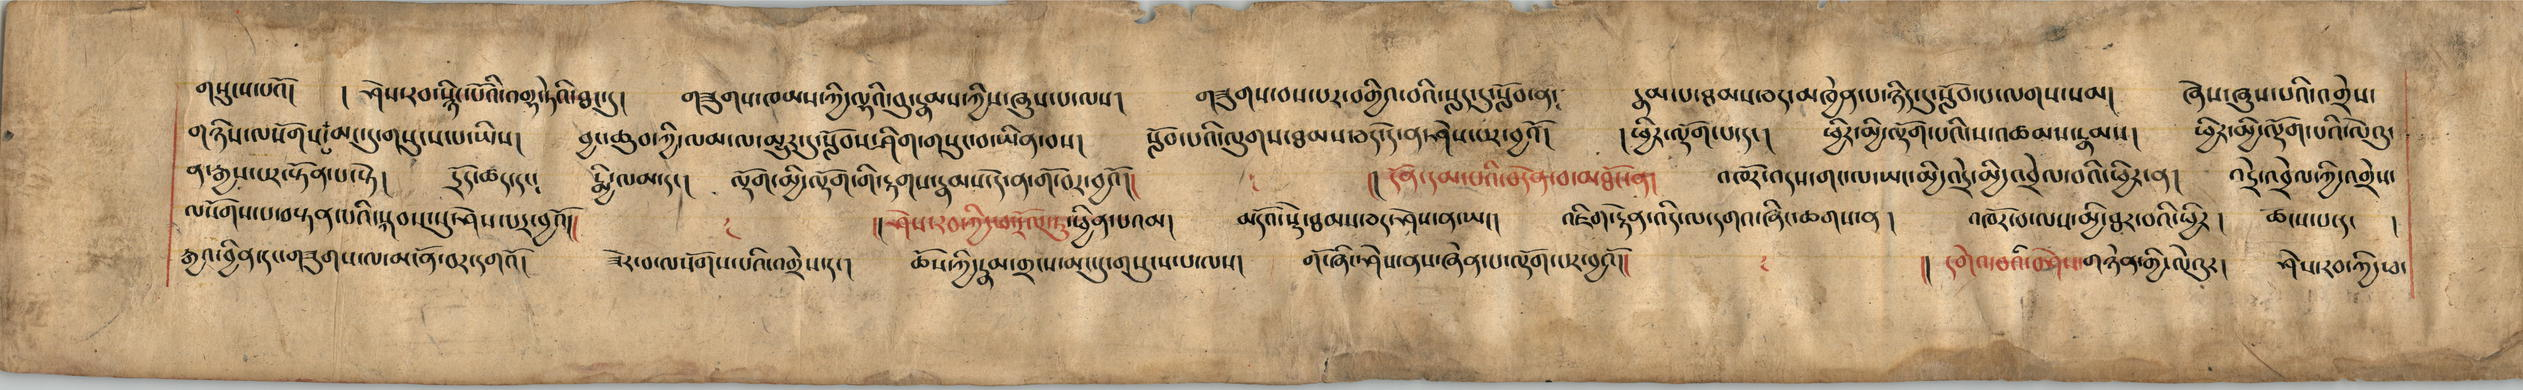གསུངས་པའོ། ། ཤེས་རབ་སྙིང་པོའི་འགྷ་ཏེའི་ཐང་དུ། གཟུགས་ཁམས་ཀྱི་ལྷའི་བུ་རྣམས་ཀྱིས་ཞུས་པ་ལས། གཟུགས་བས་པར་བགྱིའ་བའི་སླད་དུ་སློབ་ན། རྣམ་པ་ཐམས་ཅད་མཁྱེན་པ་ཉིད་དུ་སློབ་པ་ལགས་སམ། ཞེས་ཞུས་པའི་འགྲེས་
གཉིས་ལསོགས་མང་དུ་གསུངས་པ་ཡིས། བྱང་ཆུབ་ཀྱི་ལམ་ལ་མྱུར་དུ་སློབས་ཤིག་གསུང་བ་ཡིན་བས། སློབ་པའི་ལུགས་ཐམས་ཅད་དེ་ན་ཤེས་པར་བྱའོ། །ཕྱིར་ལྡོག་པ་དང། ཕྱིར་མི་ལྡོག་པ་དང། ཕྱིར་མྱི་ལྡོག་པའི་ས་འཚམས་རྣམས། ཕྱིར་མྱི་ལྡོག་པའི་ལེའུ་
ན་རྒྱས་པར་སྟོན་པ་སྟེ། དྲོད་ཚད་དང། རྨྱི་ལམ་དང། ལྡོག་མྱི་ལྡོག་གི་རྟགས་རྣམས་དེ་ན་གོ་བར་བྱའོ།། །། དོན་དམ་པའི་བདེན་བ་མཐོང་ན། འཁོར་འདས་གང་ལ་ཡང་མྱི་འདྲེ་མྱི་འབྲེལ་བའི་ཕྱིར་ན། འདྲེ་འབྲེལ་ཀྱི་འགྲེས་
ལསོགས་པ་བསྟན་པའི་སྐབས་སུ་ཤེས་པར་བྱའོ།། །།ཤེས་རབ་ཀྱི་ཕ་རོལ་ཏུ་ཕྱིན་པའམ། མདོའ་སྡེ་ཐམས་ཅད་ཤེས་ན་ཡང། འཇིག་རྟེན་འདི་འདགའ་ཞིང་ཆགས་ན ། འཁོར་བ་ལས་མྱི་ཐར་བའི་ཕྱིར ། ཚངས་པ་དང
རྒྱའ་བྱིན་དང་གཟུགས་ལ་མངོན་བར་དགའོ། ཟེར་བ་ལསོགས་པའི་འགྲེས་དང། ཆོས་ཀྱི་རྣམ་གྲངས་མང་དུ་གསུངས་པ་ལས། གོ་ཞིང་ཤེས་ནས་ཞེན་པ་ལྡོག་པར་བྱའོ།། །། དགེའ་བའི་བཤེས་གཉེན་གྱི་ལེའུར། ཤེས་རབ་ཀྱི་ཕ་